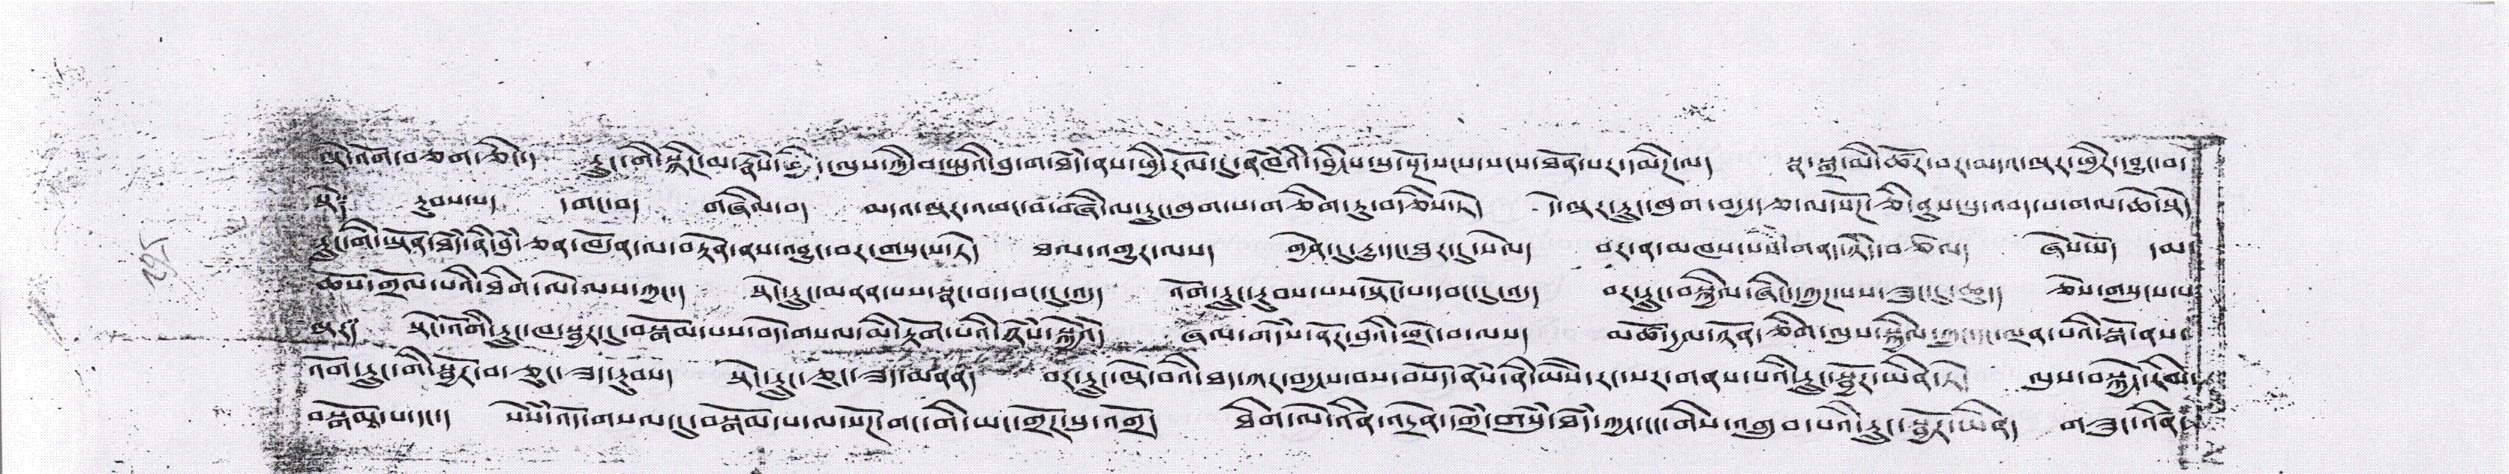ལྟེ་འོག་བཅག་ཅིང་རླུང་གི་སྙིགས་མ་རྣམས་ཕྱིར་ལུས་ཀྱི་བ་སྤུའི་བུ་ག་ཐམས་ཅད་ནས་ཕྱི་རོལ་ཏུ་ནམ་མཁའི་དབྱིངས་སུ་སྔོ་སང་སང་ཐོན་པར་དམིགས་ལ། སྣ་སྒྲ་ཡི་ཚོར་བར་མདའ་ལྟར་ཕྱིར་དབྱུང་བ་
སྟེ། རྔུབས་པ། དགང་བ། གཞིལ་བ། མདའ་ལྟར་འཕང་བ་བཞི་ལ་རླུང་ཁུག་པ་གཅིག་ཏུ་བརྩིས་ཏེ་དེ་ལྟར་རླུང་ཁུག་བརྒྱ་རྩ་ལ་སོགས་ཅི་ནུས་སུ་འབད་པ་གལ་ཆེ་སྟེ། 
རླུང་གི་ཡོན་ཏན་ཐམས་ཅད་ནི་བུམ་ཅན་ཁོ་ན་ལ་བརྟེན་ནས་འབྱུང་བར་གསུངས་ཏེ། ཐལ་འགྱུར་ལས། གྱེན་དུ་རྒྱུ་དང་ཐུར་དུ་སེལ། བར་ན་མཁས་པའི་གནད་ཉིད་བཙལ། ཞེས་སོ། དམ་
ཆོས་གྲོལ་བའི་ཐིག་ལེ་ལས་ཀྱང་། སྟེང་རླུང་མནན་པས་སྣང་བ་དབང་དུ་འདུ། འོག་རླུང་རྔུབ་པས་སྟོང་པ་དབང་དུ་འདུ། བར་རླུང་སྐྱིལ་ཞིང་དཀྲུག་པས་ཟུང་དུ་ཆུད། ཅེས་གསུངས་པ་
ལྟར། སྟེང་འོག་གི་རླུང་ཁ་སྦྱར་དུ་བསྒོམ་པས་བདེ་གསལ་མི་རྟོག་པའི་ཉམས་སྐྱེའོ། ཞལ་གདམས་ནོར་བུའི་ཕྲེང་བ་ལས། མཚོ་རྒྱལ་ཉོན་ཅིག ལུས་སྐྱིལ་ཀྲུང་དང་ལྡན་པའི་སྒོ་ནས་
འོག་རླུང་གི་སྦྱོར་བ་ཅུང་ཟད་རྔུབས། སྟེང་རླུང་ཅུང་ཟད་མནན། བར་རླུང་ལྟེ་བའི་ཐད་ཀར་བརྒྱང་པས་བསོད་ནམས་ནི་ཡེ་ཤེས་རང་སར་གནས་པའི་རླུང་སྦྱོར་ཡིན་ཏེ། ལུས་བསྐྱེད་རིམ་
བསྒོམ་པ་དང་། སེམས་འོད་གསལ་དུ་བསྒོམ་པ་སོགས་གང་གི་ཡང་གྲོགས་སུ་འགྲོ། ཐིག་ལེ་འཛིན་འདྲེན་དགྲམ་གསུམ་ཐམས་ཅད་ཀྱང་རང་གིས་འགྲུབ་པའི་རླུང་སྦྱོར་ཡིན། གཟུང་འཛིན་